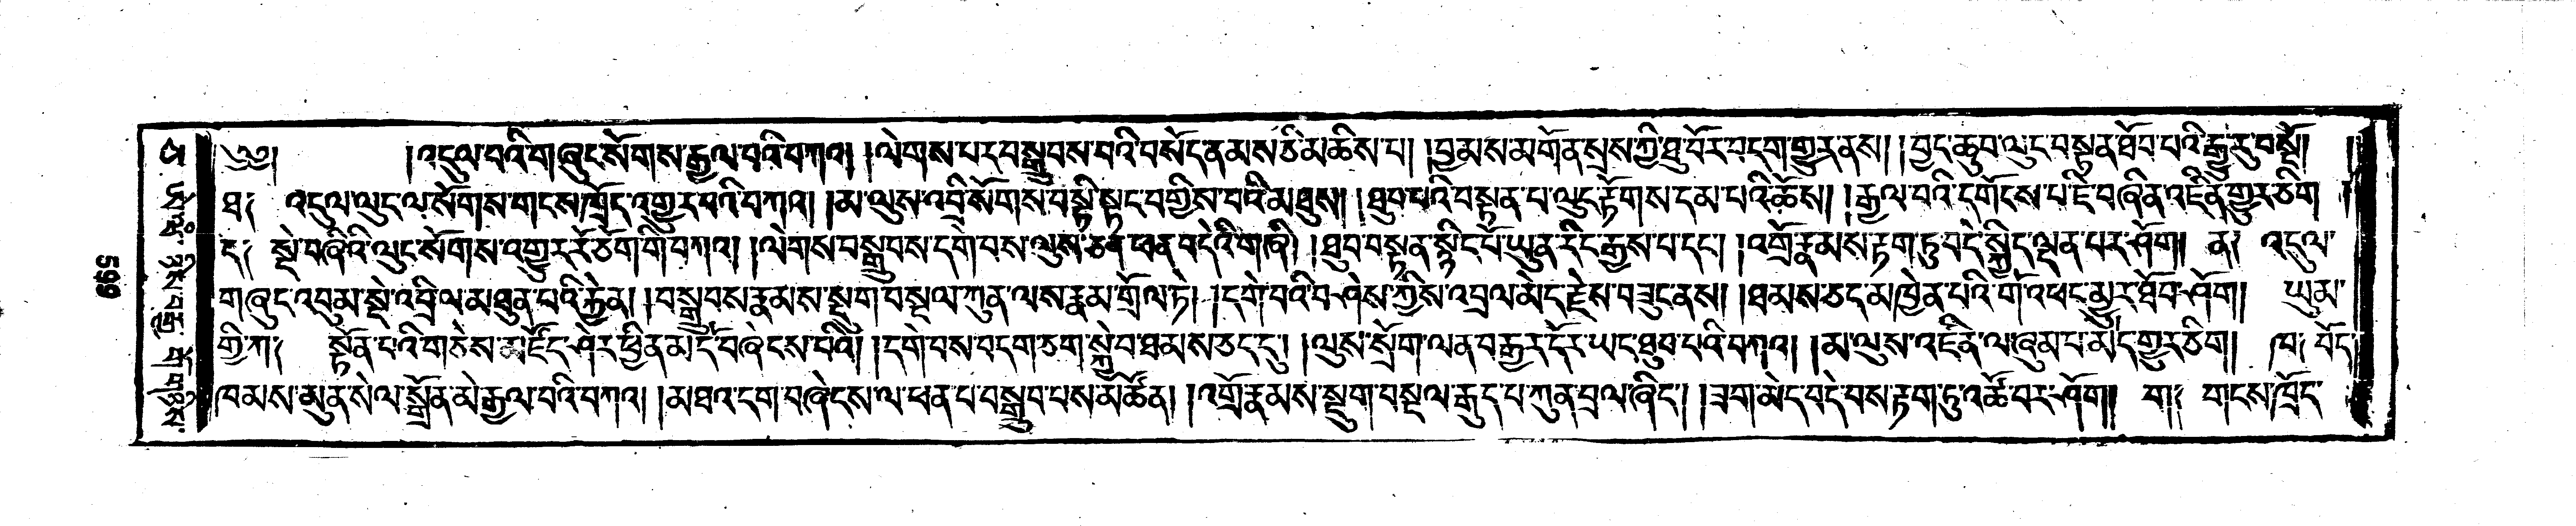༄༅། །འདུལ་བའི་གཞུང་སོགས་རྒྱལ་བའི་བཀའ། །ལེགས་པར་བསྒྲུབས་པའི་བསོད་ནམས་ཅི་མཆིས་པ། །བྱམས་མགོན་སྲས་ཀྱི་ཐུ་བོར་བདག་གྱུར་ནས། །བྱང་ཆུབ་ལུང་བསྟན་ཐོབ་པའི་རྒྱུ་རུ་བསྔོ། །
ཐ༑ འདུལ་ལུང་ལ་སོགས་གངས་ཁྲོད་འགྱུར་བའི་བཀའ། །མ་ལུས་འབྲི་སོགས་བསྟི་སྟང་བ་གྱིས་པའི་མཐུས། །ཐུབ་པའི་བསྟན་པ་ལུང་རྟོགས་དམ་པའི་ཆོས། །རྒྱལ་བའི་དགོངས་པ་ཇི་བཞིན་འཛིན་གྱུར་ཅིག །
ད༑ སྡེ་བཞིའི་ལུང་སོགས་འགྱུར་རོ་ཅོག་གི་བཀའ། །ལེགས་བསྒྲུབས་དགེ་བས་ལུས་ཅན་ཕན་བདེའི་གཞི། །ཐུབ་བསྟན་སྙིང་པོ་ཡུན་རིང་རྒྱས་པ་དང་། །འགྲོ་རྣམས་རྟག་ཏུ་བདེ་སྐྱིད་ལྡན་པར་ཤོག །ན༑ འདུལ་
གཞུང་འབུམ་སྡེ་འབྲི་ལ་མཐུན་པའི་རྐྱེན། །བསྒྲུབས་རྣམས་སྡུག་བསྔལ་ཀུན་ལས་རྣམ་གྲོལ་ཏེ། །དགེ་བའི་བཤེས་ཀྱིས་འབྲལ་མེད་རྗེས་བཟུང་ནས། །ཐམས་ཅད་མཁྱེན་པའི་གོ་འཕང་མྱུར་ཐོབ་ཤོག །ཡུམ་
གྱི་ཀ༑ སྟོན་པའི་གཅེས་མཛོད་ཤེར་ཕྱིན་མདོ་བཞེངས་པའི། །དགེ་བས་བདག་ཅག་སྐྱེ་བ་ཐམས་ཅད་དུ། །ལུས་སྲོག་ལན་བརྒྱར་དོར་ཡང་ཐུབ་པའི་བཀའ། །མ་ལུས་འཛིན་ལ་ཞུམ་པ་མེད་གྱུར་ཅིག །ཁ༑ བོད་
ཁམས་མུན་སེལ་སྒྲོན་མེ་རྒྱལ་བའི་བཀའ། །མཐའ་དག་བཞེངས་ལ་ཕན་པ་བསྒྲུབ་པས་མཚོན། །འགྲོ་རྣམས་སྡུག་བསྔལ་རྒུད་པ་ཀུན་བྲལ་ཞིང་། །ཟག་མེད་བདེ་བས་རྟག་ཏུ་འཚོ་བར་ཤོག །ག༑ གངས་ཁྲོད་